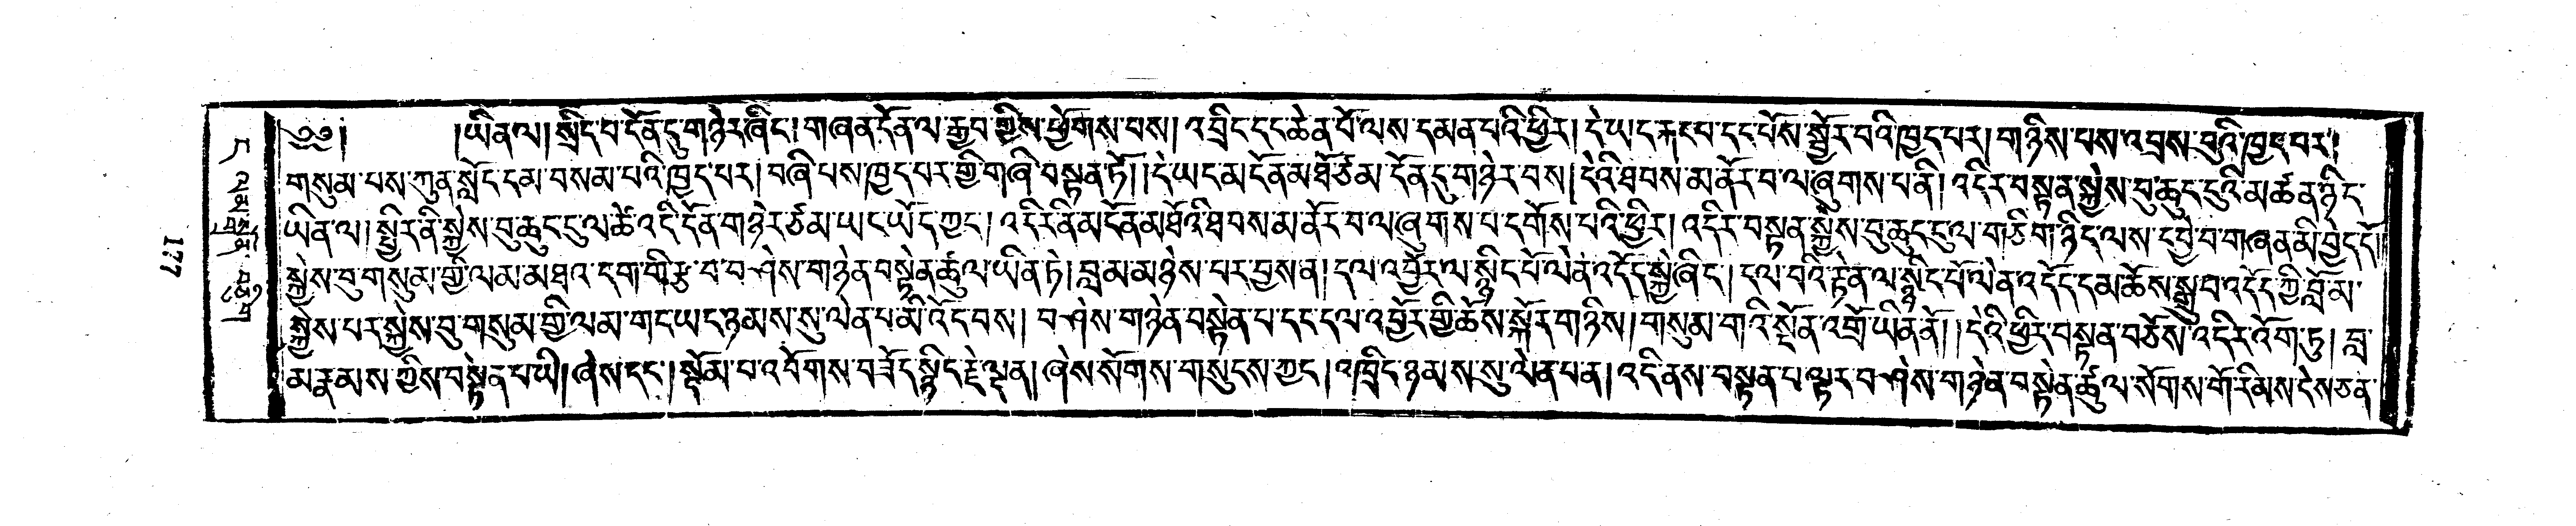༄༅། །ཡིན་ལ། སྲིད་པ་དོན་དུ་གཉེར་ཞིང་། གཞན་དོན་ལ་རྒྱབ་ཀྱིས་ཕྱོགས་པས། འབྲིང་དང་ཆེན་པོ་ལས་དམན་པའི་ཕྱིར། དེ་ཡང་རྐང་པ་དང་པོས་སྦྱོར་བའི་ཁྱད་པར། གཉིས་པས་འབྲས་བུའི་ཁྱད་པར།
གསུམ་པས་ཀུན་སློང་ངམ་བསམ་པའི་ཁྱད་པར། བཞི་པས་ཁྱད་པར་གྱི་གཞི་བསྟན་ཏོ། །དེ་ཡང་མངོན་མཐོ་ཙམ་དོན་དུ་གཉེར་བས། དེའི་ཐབས་མ་ནོར་བ་ལ་ཞུགས་པ་ནི། འདིར་བསྟན་སྐྱེས་བུ་ཆུང་ངུའི་མཚན་ཉིད་
ཡིན་ལ། སྤྱིར་ནི་སྐྱེས་བུ་ཆུང་ངུ་ལ་ཚེ་འདི་དོན་གཉེར་ཙམ་ཡང་ཡོད་ཀྱང་། འདིར་ནི་མངོན་མཐོའི་ཐབས་མ་ནོར་བ་ལ་ཞུགས་པ་དགོས་པའི་ཕྱིར། འདིར་བསྟན་སྐྱེས་བུ་ཆུང་ངུ་ལ་གཅིག་ཉིད་ལས་དབྱེ་བ་གཞན་མི་བྱེད་དོ།
སྐྱེས་བུ་གསུམ་གྱི་ལམ་མཐའ་དག་གི་རྩ་བ་བཤེས་གཉེན་བསྟེན་ཚུལ་ཡིན་ཏེ། བླ་མ་མཉེས་པར་བྱས་ན། དལ་འབྱོར་ལ་སྙིང་པོ་ལེན་འདོད་སྐྱེ་ཞིང་། དལ་བའི་རྟེན་ལ་སྙིང་པོ་ལེན་འདོད་དམ་ཆོས་སྒྲུབ་འདོད་ཀྱི་བློ་མ་
སྐྱེས་པར་སྐྱེས་བུ་གསུམ་གྱི་ལམ་གང་ཡང་ཉམས་སུ་ལེན་པ་མི་འོང་བས། བཤེས་གཉེན་བསྟེན་པ་དང་དལ་འབྱོར་གྱི་ཆོས་སྐོར་གཉིས། གསུམ་གའི་སྔོན་འགྲོ་ཡིན་ནོ། །དེའི་ཕྱིར་བསྟན་བཅོས་འདིར་འོག་ཏུ། བླ་
མ་རྣམས་ཀྱིས་བསྟན་པ་ཡི། ཞེས་དང་། སྡོམ་པ་འབོགས་བཟོད་སྙིང་རྗེ་ལྡན། ཞེས་སོགས་གསུངས་ཀྱང་། འཁྲིད་ཉམས་སུ་ལེན་པ་ན། འདི་ནས་བསྟན་པ་ལྟར་བཤེས་གཉེན་བསྟེན་ཚུལ་སོགས་གོ་རིམས་ངེས་ཅན་